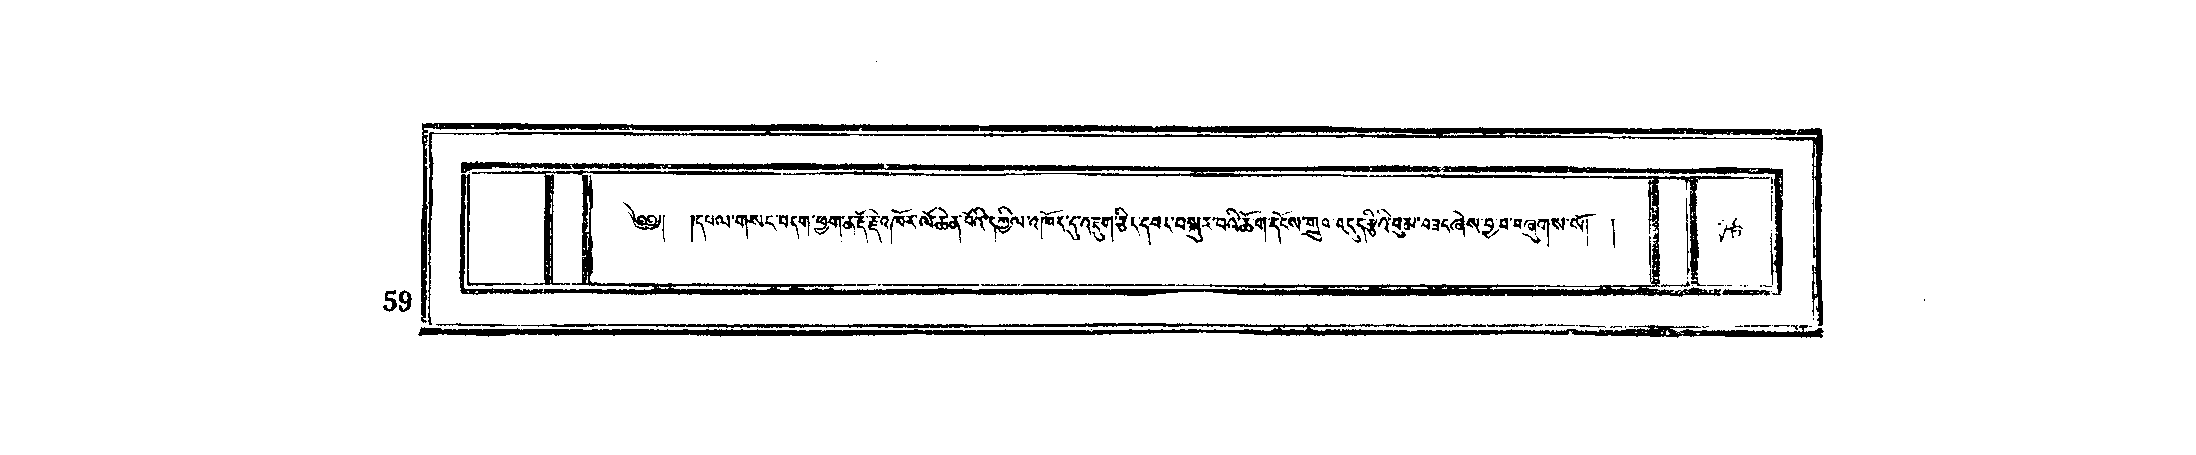༄༅། །དཔལ་གསང་བདག་ཕྱག་ན་རྡོ་རྗེ་འཁོར་ལོ་ཆེན་པོའི་དཀྱིལ་འཁོར་དུ་འཇུག་ཅིང་དབང་བསྐུར་བའི་ཆོ་ག་དངོས་གྲུབ་བདུད་རྩིའི་བུམ་བཟང་ཞེས་བྱ་བ་བཞུགས་སོ། །